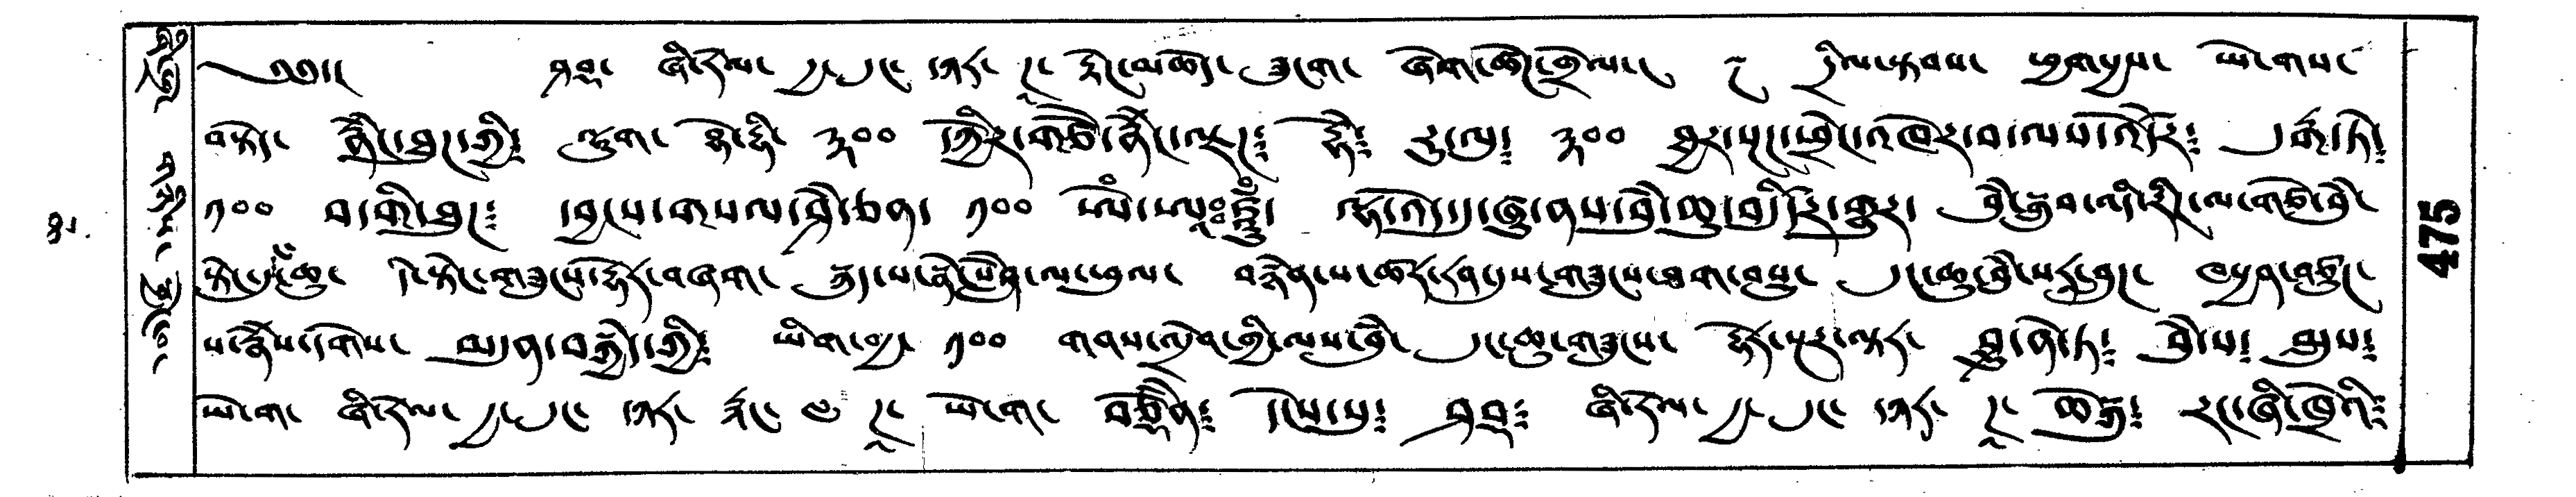ཤབྡ༴ ཞི་རོལ། རྒྱ། དུང། དཀར། ཌཱ། སྟོང་མཆོད། ཟུང་འཇུག ཞོག་ཚོགས་གྲོལ། ༈ དྲིལ་སྟབས་ཕྱག་རྒྱས། ཡོ་གས་
བསྟོད། རྣམ་སྣང་ཐུགས་ཀྱི༴ ལྷུག བྷོ་དྷི༴ སུམ་བརྒྱ། དཀྱིལ་འཁོར་གཙོ་བོ་རྣམ་སྣང་ལྗགས༴ རྡོ་རྗེ༴ རུ་ལུ༴ སུམ་བརྒྱ། ཐུགས་ཀར་སྔགས་ཕྲེང་འཁོར་བ་ལས་འོད་ཟེར༴ དུརྒ་ཏེ༴ 
བརྒྱ། བདག་གི་ཐུགས༴ དབྱངས་གསལ་ཤམ་ཅན་བརྒྱ། ཨོཾ་ཨཱཿཧཱུྃ། ལྷ་འོད་དུ་ཞུ་ནས་བུམ་ཆུ་བདུད་རྩིར་གྱུར། བུམ་སྒྲུབ་འདི་རིགས་ལ་གཙོ་བུམ་
སྟེང་དུང་ཆུ། དེ་སྟེང་གཟུངས་རྡོར་བཞག སྐུད་པའི་སྣེ་སླཽབ་དཔོན་ལ་ཕུལ། བསྙེན་པ་ཚར་རན་དུས་གཟུངས་ཐག་བསྡུ། དུང་ཆུ་བུམ་པར་བླུགས། ཁ་རྒྱན་རྣམས་འཛུགས་
ས་རྣམས་དགོས། མདུན་བསྐྱེད་ཀྱི༴ ཡིག་བརྒྱ་བརྒྱ། གནས་འདྲེན་གྱི་ལས་བུམ། དུང་ཆུ་གཟུངས་རྡོར་སྔར་ལྟར། ཤུ་ནྱེ་ཏ༴ བུམ་པ༴ མ་ལུས༴ 
ཡོ་ག ཞི་རོལ། རྒྱ། དུང་། དཀར། རྐང་བཞི། ཌཱ། ཡོ་ག བཅོམ་ལྡན༴ དངོས་སུ༴ ཤབྡ༴ ཞི་རོལ། རྒྱ། དུང་། དཀར། ཌཱ། ཆོས་སྐུ༴ རང་ཞི་ཁྲོའི༴